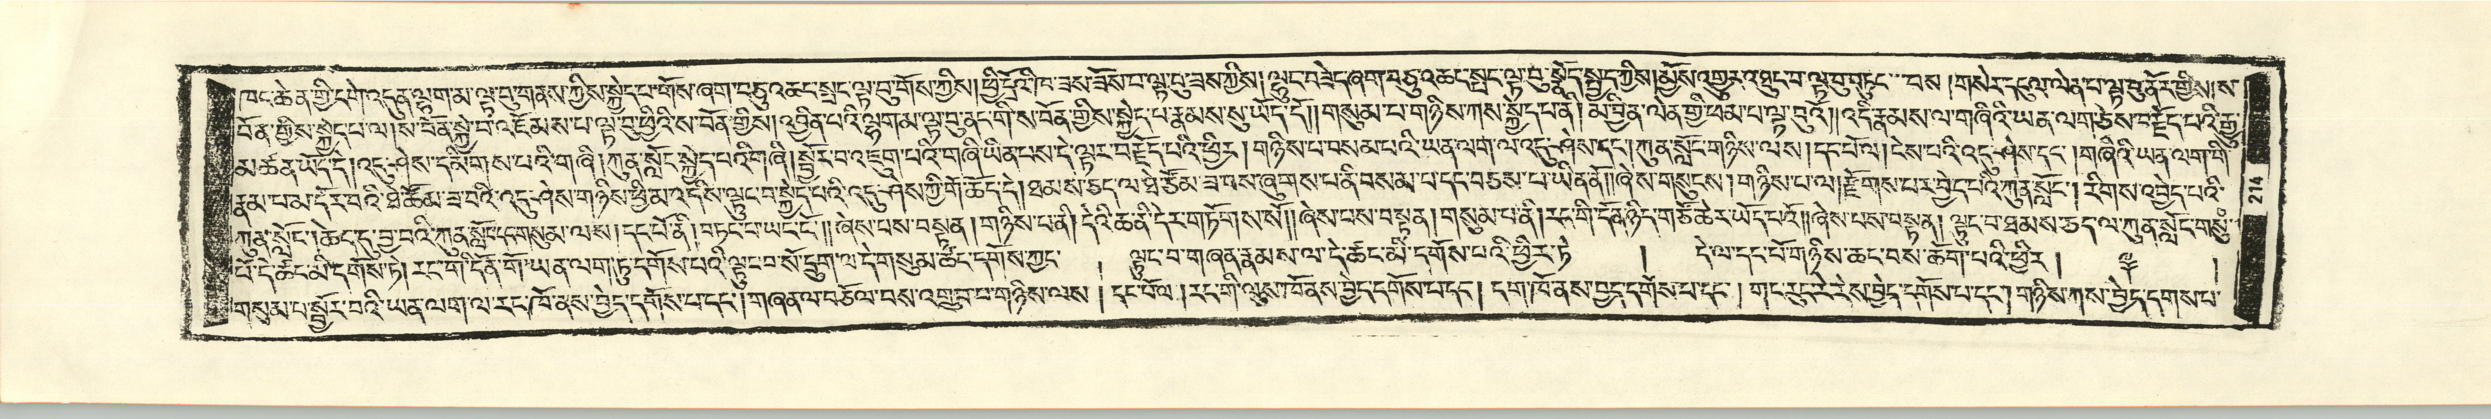ཁང་ཆེན་གྱི་དགེ་འདུན་ལྷག་མ་ལྟ་བུ་གནས་ཀྱིས་སྐྱེད་པ་གོས་ཞག་བཅུ་འཆང་སྤང་ལྟ་བུ་གོས་ཀྱིས། ཕྱི་དྲོའི་ཁ་ཟས་ཟོས་པ་ལྟ་བུ་ཟས་ཀྱིས། ལྷུང་བཟེད་ཞག་བཅུ་འཆང་སྤང་ལྟ་བུ་སྣོད་སྤྱད་ཀྱིས། མྱོས་འགྱུར་འཐུང་བ་ལྟ་བུ་བཏུང་བས། གསེར་དངུལ་ལེན་པ་ལྟ་བུ་ནོར་གྱིས། ས་
བོན་གྱིས་སྐྱེད་པ་ལ། ས་བོན་སྐྱེ་བ་འཇོམས་པ་ལྟ་བུ་ཕྱིའི་ས་བོན་གྱིས། འབྱིན་པའི་ལྷག་མ་ལྟ་བུ་ནང་གི་ས་བོན་གྱིས་སྐྱེད་པ་རྣམས་སུ་ཡོད་དོ། །གསུམ་པ་གཉིས་ཀས་སྐྱེད་པ་ནི། མ་བྱིན་ལེན་གྱི་ཕམ་པ་ལྟ་བུའོ། །འདི་རྣམས་ལ་གཞིའི་ཡན་ལག་ཅེས་བརྗོད་པའི་རྒྱུ་
མཚན་ཡོད་དེ། འདུ་ཤེས་དམིགས་པའི་གཞི། ཀུན་སློང་སྐྱེད་པའི་གཞི། སྦྱོར་བ་འཇུག་པའི་གཞི་ཡིན་པས་དེ་ལྟར་བརྗོད་པའི་ཕྱིར། གཉིས་པ་བསམ་པའི་ཡན་ལག་ལ་འདུ་ཤེས་དང་། ཀུན་སློང་གཉིས་ལས། དང་པོ་ལ། ངེས་པའི་འདུ་ཤེས་དང་། གཞིའི་ཡན་ལག་གི་
རྣམ་པ་མ་དོར་བའི་ཐེ་ཚོམ་ཟ་བའི་འདུ་ཤེས་གཉིས་ཕྱི་མ་འདིས་ལྟུང་བ་སྐྱེད་པའི་འདུ་ཤེས་ཀྱི་གོ་ཆོད་དེ། ཐམས་ཅད་ལ་ཐེ་ཙོམ་ཟ་བས་ཞུགས་པ་ནི་བསམ་པ་དང་བཅས་པ་ཡིན་ནོ། ། ཞེས་གསུངས། གཉིས་པ་ལ། རྫོགས་པར་བྱེད་པའི་ཀུན་སློང་། རིགས་འབྱེད་པའི་
ཀུན་སློང་། ཆེད་དུ་བྱ་བའི་ཀུན་སློང་དང་གསུམ་ལས། དང་པོ་ནི། བཏང་པ་ཡང་ངོ། །ཞེས་པས་བསྟན། གཉིས་པ་ནི། དེའི་ཆ་ནི་དེར་གཏོགས་སོ། །ཞེས་པས་བསྟན། གསུམ་པ་ནི། རང་གི་དོན་ཉིད་གཙོ་ཆེར་ཡོད་པའོ། །ཞེས་པས་བསྟན། ལྟུང་བ་ཐམས་ཅད་ལ་ཀུན་སློང་གསུམ་
པོ་དེ་ཚང་མི་དགོས་ཏེ། རང་གི་དོན་གོ་ཡན་ལག་ཏུ་དགོས་པའི་ལྟུང་བ་སོ་དྲུག་ལ་དེ་གསུམ་ཚང་དགོས་ཀྱང་། ལྟུང་བ་གཞན་རྣམས་ལ་དེ་ཚང་མི་དགོས་པའི་ཕྱིར་ཏེ། དེ་ལ་དང་པོ་གཉིས་ཆང་བས་ཆོག་པའི་ཕྱིར། ༈ །
གསུམ་པ་སྦྱོར་བའི་ཡན་ལག་ལ་རང་ཁོ་ནས་བྱེད་དགོས་པ་དང་། གཞན་ལ་བཅོལ་བས་འགྲུབ་པ་གཉིས་ལས། དང་པོ་ལ། རང་གི་ལུས་ཁོ་ནས་བྱེད་དགོས་པ་དང་། དག་ཁོ་ནས་བྱད་དགོས་པ་དང་། གང་རུང་རེ་རེས་བྱེད་དགོས་པ་དང་། གཉིས་ཀས་བྱེད་དགས་པ་